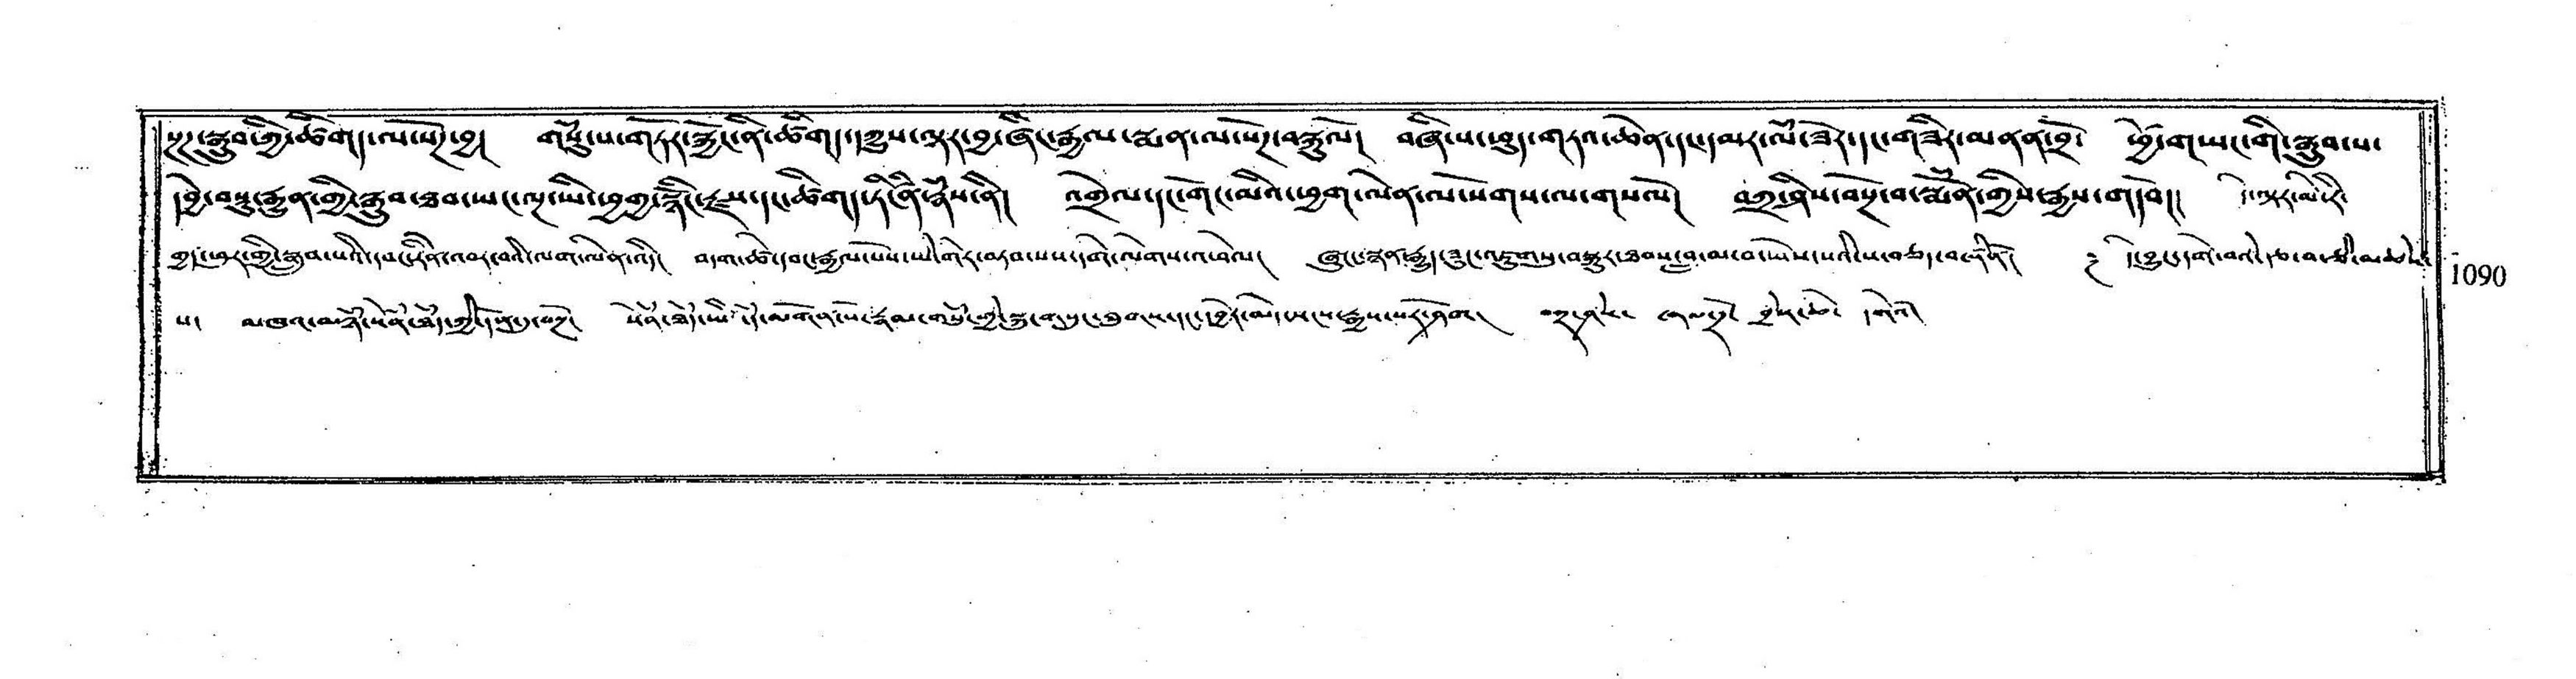སྔགས་སྒྲུབ་ཚིག་བཤད་ལ་སོགས་བྱ། གསུམ་པ་གཏོར་སྐྱོང་ནི་ཚིག་བཤད་དཀྱུས་ལྟར་བྱ་ཞིང་རྒྱལ་སྨན་ལ་སོགས་བསྐུལ་ལོ། བཞི་པ་ཕུད་གཏའ་ཆེན་དང་དམར་ལམ་ཟོར་དང་གཟིར་མནན་བྲོ། ཕྱ་ཚེ་གཡང་གི་སྒྲུབ་པ་
དབྱེ་བསྡུ་རྒྱུན་གྱི་སྒྲུབ་ཐབ་ཡང་ལྔ་ཡི་ཕྱག་རྒྱ་སྙིང་པོ་རྫས་དང་ཚིག་བཤད་ཏིང་འཛིན་རྣམས་ནི། འགྲེལ་དང་གོང་མའི་ཕྱག་ལེན་ལ་སོགས་ལ་གསལ་ལོ། བཀྲ་ཤིས་བསྔོ་བ་སྨོན་ལམ་གྱིས་རྒྱས་གདབ་བོ།། དེ་ལྟར་མེ་རི་
གྱད་ཕུར་གྱི་སྒྲུབ་པའི་དབང་རིན་ཆེན་འབར་བའི་ལག་ལེན་འདི། བདག་ཚེ་དབང་རྒྱལ་པོས་ཡི་གེར་བཏབ་པས་དགེ་ལེགས་འཕེལ། ཞང་ཞུང་སྙན་རྒྱུད་ཟུང་འཇུགས་སུ་བསྐུར་ཐབས་བླ་མ་བ་ཡེས་པའི་ས་བཅད་བཞིན་ནོ། དེ་བྱུང་དགེ་བའི་རྩ་བ་ཅི་མཆིས་
པ། མཁའ་མཉམ་སེམས་ཅན་ཐམས་ཅད་ཀྱི་དོན་དུ་བསྔོ། སེམས་ཅན་ཐམས་ཅད་ཡི་དམ་མགོན་པོ་རྣམ་གསུམ་གྱི་སྐུ་གསུང་ཐུགས་དང་དབྱེར་མེད་སངས་རྒྱས་པར་ཤོག བཀྲ་ཤིས་ཞལ་དྲོ་བྱིན་ཆེ་དགེའོ།